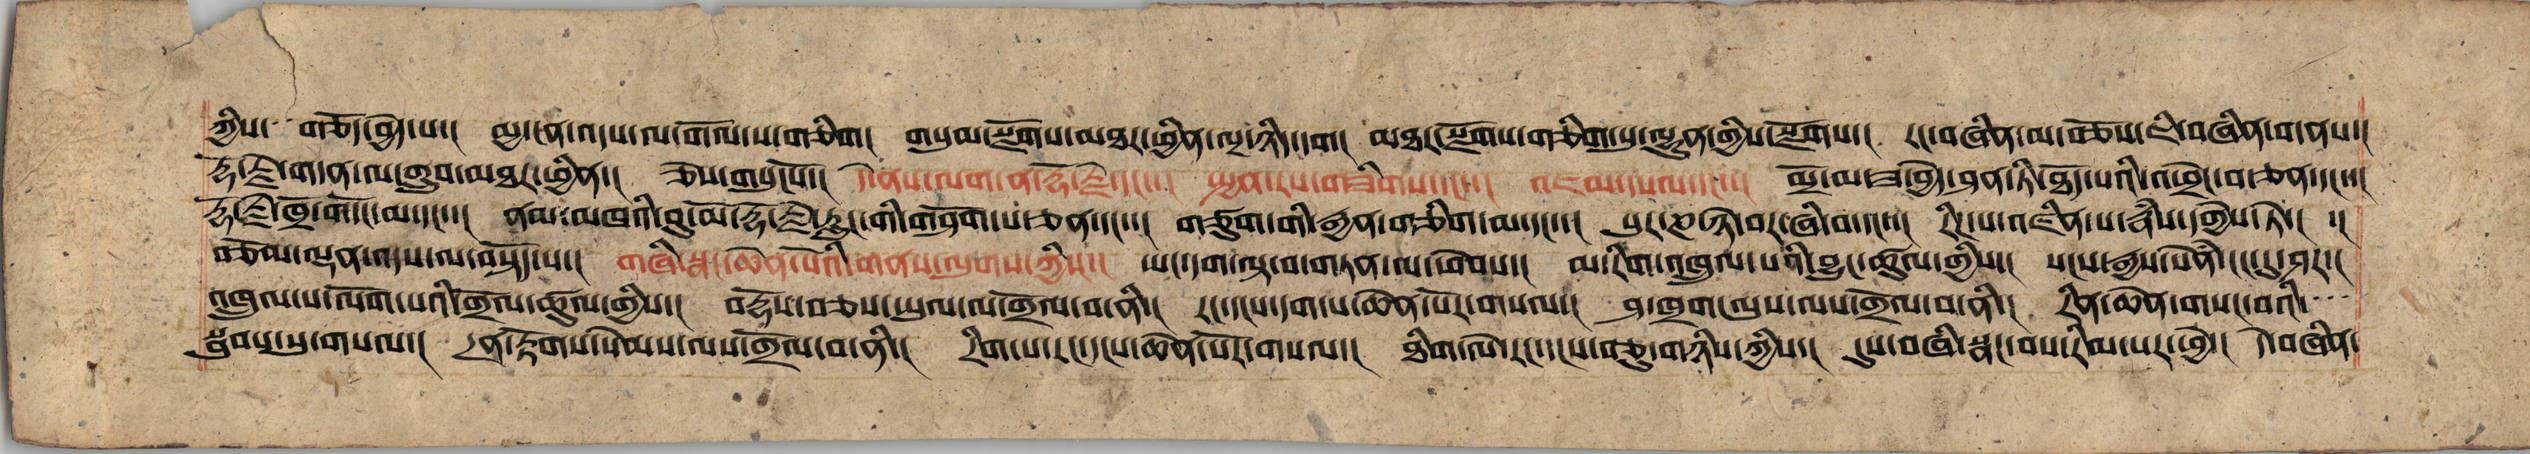ཀྱིས་ གཅོད་བྱེད་པ་། མྱ་ངན་འདས་ལ་གོལ་ས་གཅིག། གསུམ་སྫོགས་མཐར་ཕྱིན་ལྔ་ཉིད་དག། མཐར་སྫོགས་གཅིག་པུ་ལྷུན་གྱིས་སྫོགས་། རང་བཞིན་མ་བཅོས་ཇི་བཞིན་གནས་།
རྡོ་རྗེ་གདན་ལ་གྲུབ་མཐར་ཕྱིན་། ཅེས་གསུངསོ་། དེ་ནས་ལག་ན་རྡོ་རྗེ་དང་་། སྤྱན་རས་གཟིགས་དང་་། འཇམ་དཔལ་དང་་། མྲོ་མ་ཟ་བྱེད་ཤན་ཏི་ཐོད་པའི་འཕྲེང་བ་ཅན་དང་་།
རྡོ་རྗེ་ཁྲོ་གདོང་མ་དང་་། ནམ་མཁའི་བུ་མོ་རྡོ་རྗེ་རླུང་གི་གཤོག་པ་ཅན་དང་་། གཙུག་གི་རྒྱན་གཅིག་མ་དང་་། པུར་ཎ་ཉེ་བར་ཞི་བ་དང་་། རིཌ་པ་འཛིན་པ་རྣཾས་དགྱེས་ཏེ་། ་
བཅོམ་ལྡན་འདས་ལ་བསྟོད་པ་། གཞི་སྣང་ཆེན་པོའི་གནས་ལུགས་ཀྱིས་། ཡང་དག་ལྟ་བ་གཏན་ལ་ཕེབས་། མ་རིག་འཁྲུལ་པའི་བྱུང་ཚུལ་གྱིས། སངས་རྒྱས་སེཾན་ངང་དུ་ཤར་།
འཁྲུལ་པ་ལོག་པའི་གྲོལ་ཚུལ་གྱིས་། བརྡོས་བཅས་ཡུལ་ལ་གྲོལ་བ་ནི་། རང་དངས་དག་པ་ཆེན་པོར་གསལ་། ཤ་ཁྲག་ལུས་ལས་གྲོལ་བ་ནི་། རིན་ཆེན་གསང་བའི་
སྦུབས་སུ་གསལ་། དྲན་རྟོགས་སེམས་ལས་གྲོལ་བ་ནི་། རིག་པ་རང་དངས་ཆེན་པོར་གསལ་། ཐིག་ལེ་རང་དངས་བཅུ་གཉིས་ཀྱིས་། དུས་བཞི་སྣང་བས་རིམ་པར་ཕྱེ་། དེ་བཞིན་